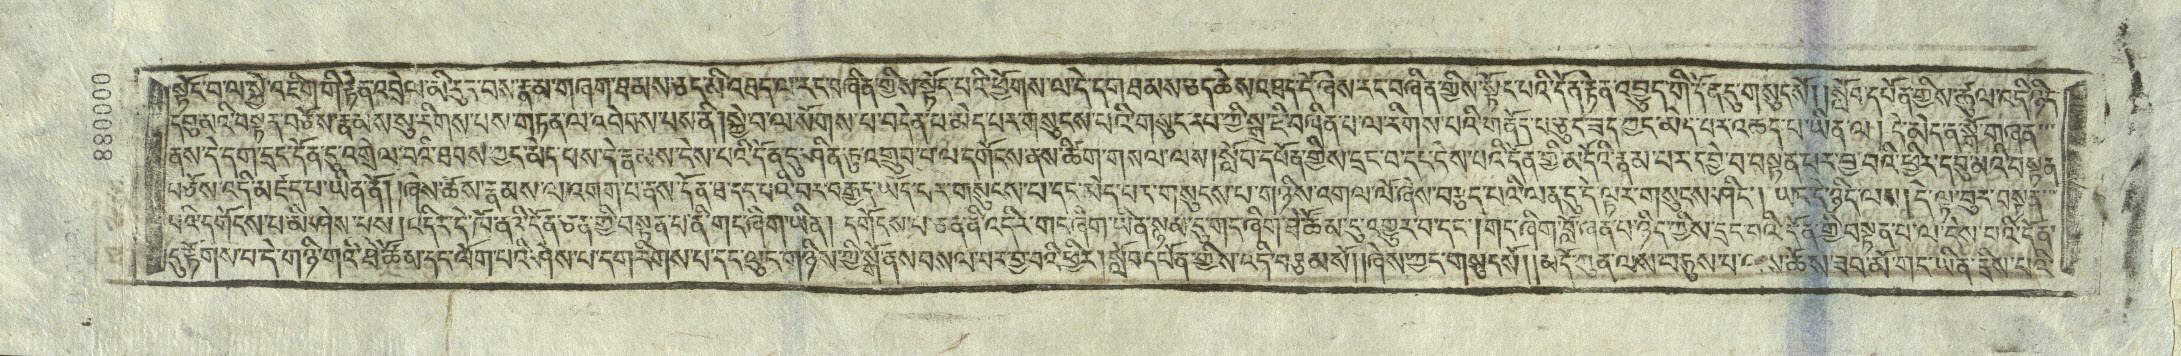སྟོང་བ་ལ་སྐྱེ་འཇིག་གི་རྟེན་འབྲེལ་མི་རུང་བས་རྣམ་གཞག་ཐམས་ཅད་མི་འཐད་ལ་རང་བཞིན་གྱིས་སྟོང་པའི་ཕྱོགས་ལ་དེ་དག་ཐམས་ཅད་ཆེས་འཐད་དོ་ཞེས་རང་བཞིན་གྱིས་སྟོང་བའི་དོན་རྟེན་འབྱུང་གི་དོན་དུ་གསུངས་སོ། །སློབ་དཔོན་གྱིས་ཚུལ་འདི་ཉིད་
དབུ་མའི་བསྟན་བཅོས་རྣམས་སུ་རིགས་པས་གཏན་ལ་འབེབས་པས་ནི། སྐྱེ་བ་ལ་སོགས་པ་བདེན་པ་མེད་པར་གསུངས་པའི་གསུང་རབ་ཀྱི་སྒྲ་ཇི་བཞིན་པ་ལ་རིགས་པའི་གནོད་པ་ཅུང་ཟད་ཀྱང་མེད་པར་འཆད་པ་ཡིན་ལ། དེ་མེད་ན་སྒོ་གཞན་
ནས་དེ་དག་དྲང་དོན་དུ་འགྲེལ་བའི་ཐབས་ཀྱང་མེད་པས་དེ་རྣམས་ངེས་པའི་དོན་དུ་ཤིན་ཏུ་འགྲུབ་པ་ལ་དགོངས་ནས་ཚིག་གསལ་ལས། སློབ་དཔོན་གྱིས་དྲང་བ་དང་ངེས་པའི་དོན་གྱི་མདོའི་རྣམ་པར་དབྱེ་བ་བསྟན་པར་བྱ་བའི་ཕྱིར་དབུ་མའི་བསྟན་
བཅོས་འདི་མཛད་པ་ཡིན་ནོ། །ཞེས་ཆོས་རྣམས་ལ་འགག་པ་ནས་དོན་ཐ་དད་པའི་བར་བརྒྱད་ཡོད་པར་གསུངས་པ་དང་མེད་པར་གསུངས་པ་གཉིས་འགལ་ལོ་ཞེས་བརྩད་པའི་ལན་དུ་དེ་ལྟར་གསུངས་ཤིང་། ཡང་དེ་ཉིད་ལས། དེ་ལྟ་བུར་བསྟན་
བའི་དགོངས་པ་མི་ཤེས་པས། འདིར་དེ་ཁོ་ནའི་དོན་ཅན་གྱི་བསྟན་པ་ནི་གང་ཞིག་ཡིན། དགོངས་པ་ཅན་ནི་འདིར་གང་ཞིག་ཡིན་སྙམ་དུ་གང་ཞིག་ཐེ་ཚོམ་དུ་འགྱུར་བ་དང་། གང་ཞིག་བློ་ཞན་པ་ཉིད་ཀྱིས་དྲང་བའི་དོན་གྱི་བསྟན་པ་ལ་ངེས་པའི་དོན་
དུ་རྟོགས་པ་དེ་གཉི་གའི་ཐེ་ཚོམ་དང་ལོག་པའི་ཤེས་པ་དག་རིགས་པ་དང་ལུང་གཉིས་ཀྱི་སྒོ་ནས་བསལ་བར་བྱ་བའི་ཕྱིར། སློབ་དཔོན་གྱིས་འདི་བརྩམས་སོ། །ཞེས་ཀྱང་གསུངས་སོ། །མདོ་ཀུན་ལས་བཏུས་བ་ལས་ཆོས་ཟབ་མོ་གང་ཡིན་དྲིས་པའི་